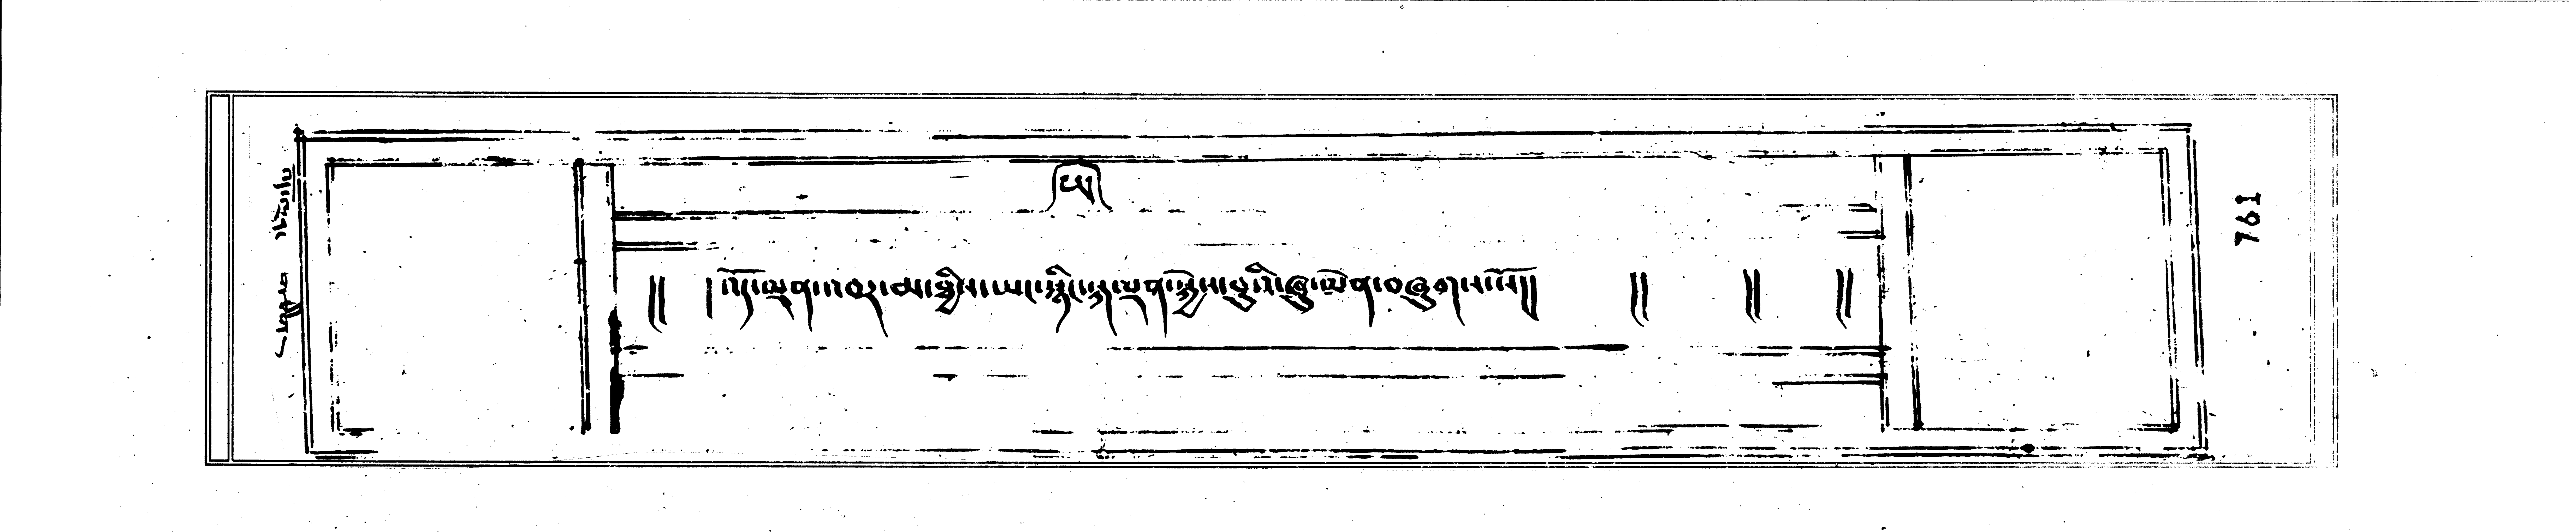༼ཡ༽།།འོད་ལྡན་འབར་མ་ཐུགས་ཀྱི་ཡང་སྙིང་སྐལ་ལྡན་སྐྱེས་བུའི་ཞུ་ལེན་བཞུགས་སོ།།